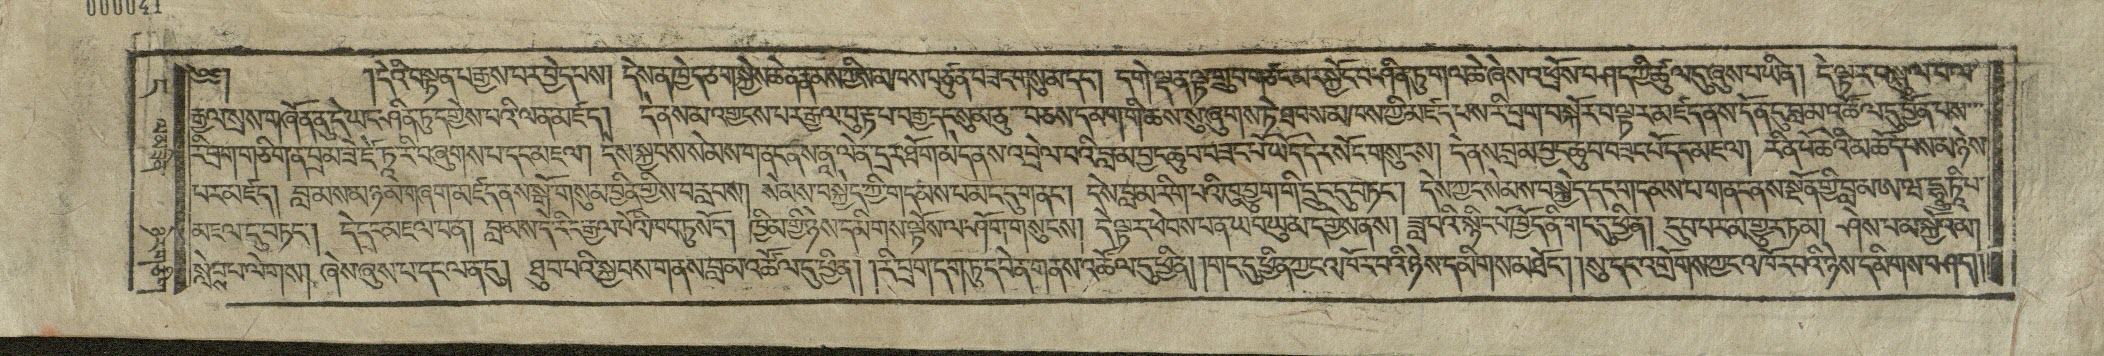༄༅། །དེའི་བསྟན་པ་རྒྱས་པར་བྱེད་པས། དེས་ན་ཁྱེད་ཅག་སྐྱེས་ཆེན་རྣམས་ཀྱིས་མཁས་བཙུན་བཟང་གསུམ་དང་། དགེ་ལྡན་ལྟ་གྲུབ་གཙང་མར་སྐྱོང་བ་ཤིན་ཏུ་གལ་ཆེ་ཞེས་འཕྲོས་བཤད་ཀྱི་ཚུལ་དུ་ཞུས་པ་ཡིན། དེ་ལྟར་བ་སྐུལ་བ་ལ་
རྒྱལ་སྲས་གཞོན་ནུ་དེ་ཡང་ཤིན་ཏུ་དགྱེས་པའི་ལན་མཛད། དེ་ནས་མ་འགྱངས་པར་རྒྱལ་བུ་རྟ་པ་བརྒྱ་དང་སུམ་ཅུ་བཅས་དམག་གི་ཆས་སུ་ཞུགས་ཏེ་ཐབས་མཁས་ཀྱི་མཛད་པས་རི་བྲག་བསྐོར་བ་ལྟར་མཛད་ནས་དོན་དུ་བླ་མ་འཚོལ་དུ་བྱོན་པས་
རི་བྲག་གཅིག་ན་བྲམ་ཟེ་ཛེ་ཏཱ་རི་བཞུགས་པ་དང་མཇལ། དེས་སྐྱབས་སེམས་གནང་ནས་ནཱ་ལེན་དྲར་ཐོག་མེད་ནས་འབྲེལ་བའི་བླ་མ་བྱང་ཆུབ་བཟང་པོ་ཡོད་དེར་སོང་གསུངས། དེ་ནས་བླ་མ་བྱང་ཆུབ་བཟང་པོ་དང་མཇལ། རིན་པོ་ཆེའི་མཆོད་པས་མཉེས་
པར་མཛད། བླ་མས་མཉམ་གཞག་མཛད་ནས་སྒོ་གསུམ་བྱིན་གྱིས་བརླབས། སེམས་བསྐྱེད་ཀྱི་གདམས་པ་མང་དུ་གནང་། དེས་བླ་མ་རིན་པའི་ཁུ་བྱུག་གི་དྲུང་དུ་བཏང་། དེས་ཀྱང་སེམས་བསྐྱེད་དང་གདམས་པ་གནང་ནས་སྔོན་གྱི་བླ་མ་ཨ་ཝ་དྷཱུ་ཏཱི་པ་
མཇལ་དུ་བཏང་། དེ་དང་མཇལ་བ་ན། བླ་མས་དེ་རིང་རྒྱལ་པོའི་ཁབ་ཏུ་སོང་། ཁྱིམ་གྱི་ཉེས་དམིགས་ལྟོས་ལ་ཤོག་གསུངས། དེ་ལྟར་ཕེབས་ཕན་ཡབ་ཡུམ་དགྱེས་ནས། ཟླ་བའི་སྙིང་པོ་ཁྱོད་ནི་གང་དུ་ཕྱིན། དུབ་པར་མ་གྱུར་ཏམ། ཤེས་པ་མ་སྐྱོའམ།
སླེབས་པ་ལེགས། ཞེས་ཞུས་པ་དང་ལན་དུ། ཐུབ་པའི་སྐྱབས་གནས་བླ་མ་འཚོལ་དུ་ཕྱིན། །རི་བྲག་དག་ཏུ་དབེན་གནས་འཚོལ་དུ་ཕྱིན། །གང་དུ་ཕྱིན་ཀྱང་འཁོར་བའི་ཉེས་དམིགས་མཐོང་། །སུ་དང་འགྲོགས་ཀྱང་འཁོར་བའི་ཉེས་དམིགས་བཤད།།